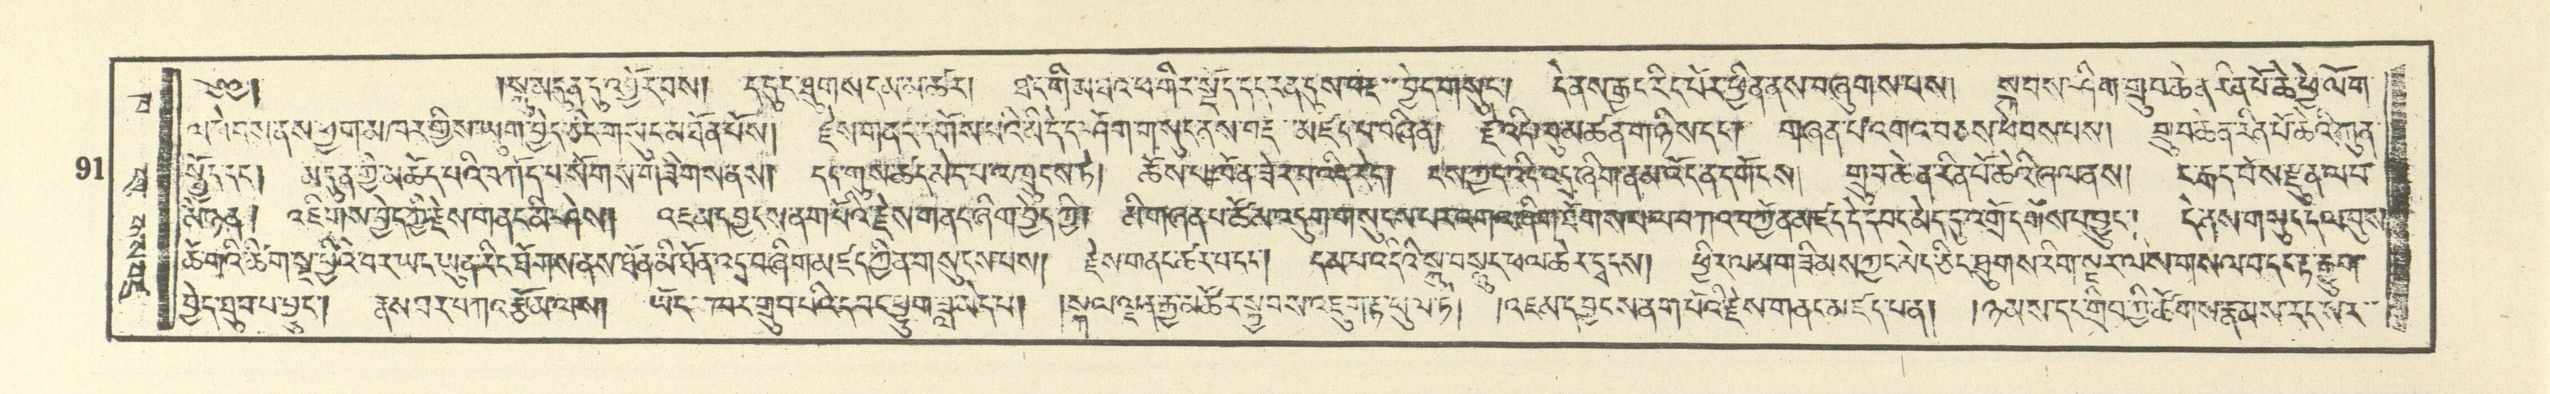༄༅། །སྐུ་མདུན་དུ་འབྱོར་བས། ད་དུང་ཐུགས་དམ་མ་ཚར། ཐང་གི་མཐའ་ཕ་གིར་སྡོད་དད་རན་དུས་བརྡ་བྱེད་གསུང་། དེ་ནས་རྒྱང་རིང་པོར་ཕྱིན་ནས་བཞུགས་པས། སྐབས་ཤིག་གྲུབ་ཆེན་རིན་པོ་ཆེ་ཕྱི་ལོག་
ལ་ཕེབས་ནས་ཕྱག་མཁར་གྱིས་ཡུག་བྱེད་ཅིང་གསུང་མཐོན་པོས། རྗེས་གནང་དགོས་པའི་མི་དེ་ད་ཤོག་གསུང་ནས་བརྡ་མཛད་པ་བཞིན། རྗེ་འདི་ཁུ་མཚན་གཉིས་དང་། གཞན་པ་འགའ་བཅས་ཕབས་པས། གྲུབ་ཆེན་རིན་པོ་ཆེའི་ཀུན་
སྤྱོད་དང་། མདུན་གྱི་མཆོད་པའི་བཀོད་པ་སོགས་གཟིགས་ནས། དང་གུས་ཚད་མེད་པ་འཁྲུངས་ཏེ། ཆོས་པ་ཁོ་ན་ཟེར་བ་འདི་རེད། ངས་ཀྱང་འདི་འདྲ་ཞིག་ནམ་འོད་ན་དགོངས། གྲུབ་ཆེན་རིན་པོ་ཆེའི་ཞལ་ནས། ང་རྒད་པོས་རྫུན་ལ་པ་
མོ་ཉན། འཇིགས་བྱེད་ཀྱི་རྗེས་གནང་མི་ཤེས། འཇམ་དབྱངས་ནག་པོའི་རྗེས་གནང་ཞིག་བྱེད་ཀྱིས། མི་གཞན་པ་ཚོམ་འདུག་གསུངས་པར་འགའ་ཞིག་ཐོགས་པ་ལ་བཀའ་བཀྱོན་མཛད་དེ་དབང་མེད་དུ་འགྲོ་དགོས་པ་བྱུང་། དེ་ནས་གསུང་དལ་བུས་
ཆོ་གའི་ཚིགས་སྔ་ཕྱིའི་བར་ཡང་ཡུན་རིང་ཐོགས་ནས་ཐོན་མི་ཐོན་འདྲ་བ་ཞིག་མཛད་ཀྱིན་གསུངས་པས། རྗེས་གནང་ཚར་པ་དང་། དམ་པ་འདིའི་སྐུ་བསྙུང་ཕལ་ཆེར་དྭངས། ཕྱིར་ལམ་གཟིམས་ཀྱང་མེད་ཅིང་ཐུགས་རིག་སྔར་ལས་གསལ་བ་དང་རྟ་རྒྱུག་
བྱེད་ཐུབ་པ་བྱུང་། རྣམ་ཐར་བཀའ་རྩོམ་ལས། ཡོང་ཁར་གྲུབ་པའི་དབང་ཕྱུག་ཟླ་མེད་པ། །སྐལ་ལྡན་རྒྱ་མཚོར་སྐྱབས་འཇུག་རྟ་ཕུལ་ཏེ། །འཇམ་དབྱངས་ནག་པོའི་རྗེས་གནང་མཛད་པ་ན། །ཉམས་དང་གྲིབ་ཀྱི་ཚོགས་རྣམས་རང་སར་